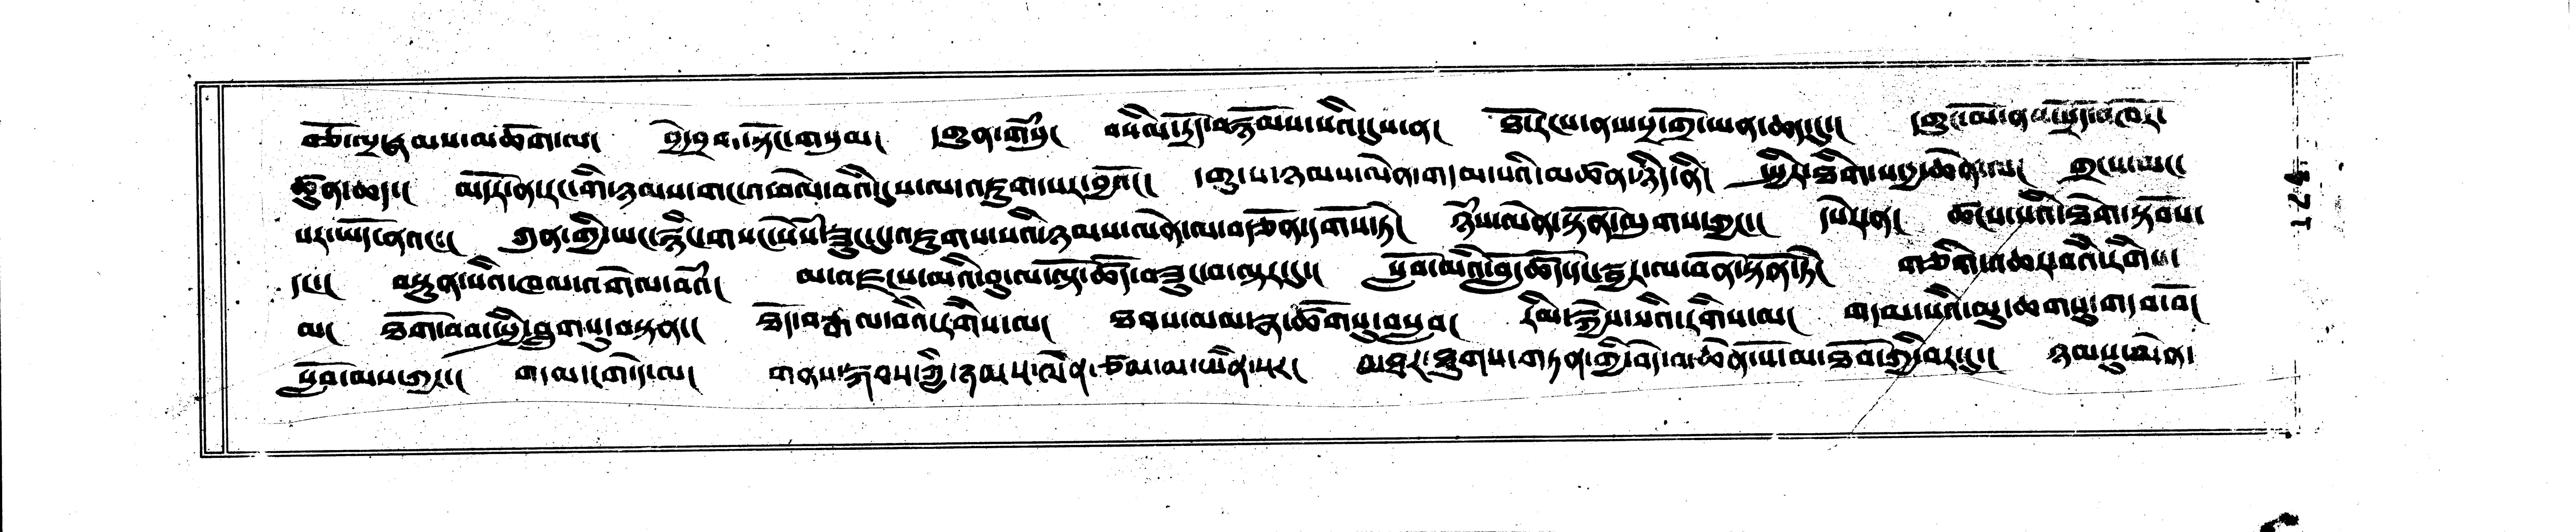བཅོ་ལྔ་རྣམས་མཆོག་ལ། བྱེ་བྲག་སྟོན་གསུམ། དགུན་གསུམ་བསིལ་དྲོད་སྙོམས་པའི་དུས་ན་ཐོ་རངས་ནས་སྔ་དྲོ་ཡན་ཆད་དུ། དགུང་མོ་ནས་སྲོད་འཁོར་
ཚུན་ཆད། མདོར་ན་རང་གི་ཉམས་གང་འཕེལ་བའི་དུས་ལ་འཇུག་པར་བྱའོ། །དགུ་ཉམས་ལེན་གདམས་པའི་མཚན་ཉིད་ནི། སྤྱིར་ཐེག་པ་རྒྱ་ཆེན་ལ། གྲངས་མང་
བར་ཡོད་ནའང་། ཀུན་གྱི་ཡང་སྙིང་གསང་སེམས་ཟུང་དུ་འཇུག་པའི་ཉམས་ལེན་ལ་བརྩོན་དགོས་ཏེ། ཉམས་ལེན་སྟོན་ལུགས་ཀྱང་དཔེར་ན། ཚོང་པས་ཐེག་སྟོབས་
དང་ བསྟུན་པའི་ཁལ་འགེལ་བའམ། མ་མཛངས་མས་བུ་ལ་ལྟོ་ཚོད་བཟུང་བ་ལྟར་དུ། སློབ་མའི་བློ་ཚོད་དང་སྦྱར་ལ་བོན་སྟོན་ཏེ། གཅིག་འཆར་བའི་རིགས་
ལ་ ཐོག་བབས་སྤྱི་བླུགས་སུ་བསྟན། ཐོད་རྒལ་བའི་རིགས་ལ། ཐབས་ལམ་སྣ་ཚོགས་སུ་བསླབས། རིམ་སྐྱེས་པའི་རིགས་ལ། གདམ་པའི་མུ་ཆགས་སུ་གདབ་བོ། 
སློབ་མས་ཀྱང་གདམས་དང་དེ་ལ། གནས་སྐབས་ཀྱི་ཉམས་ལེན་ཙམ་མ་ཡིན་པར། མཐར་ཐུག་གཏན་གྱི་བདེ་བ་ཆེན་པོ་མ་ཐོབ་ཀྱི་བར་དུ། ཉམས་སུ་ལེན་